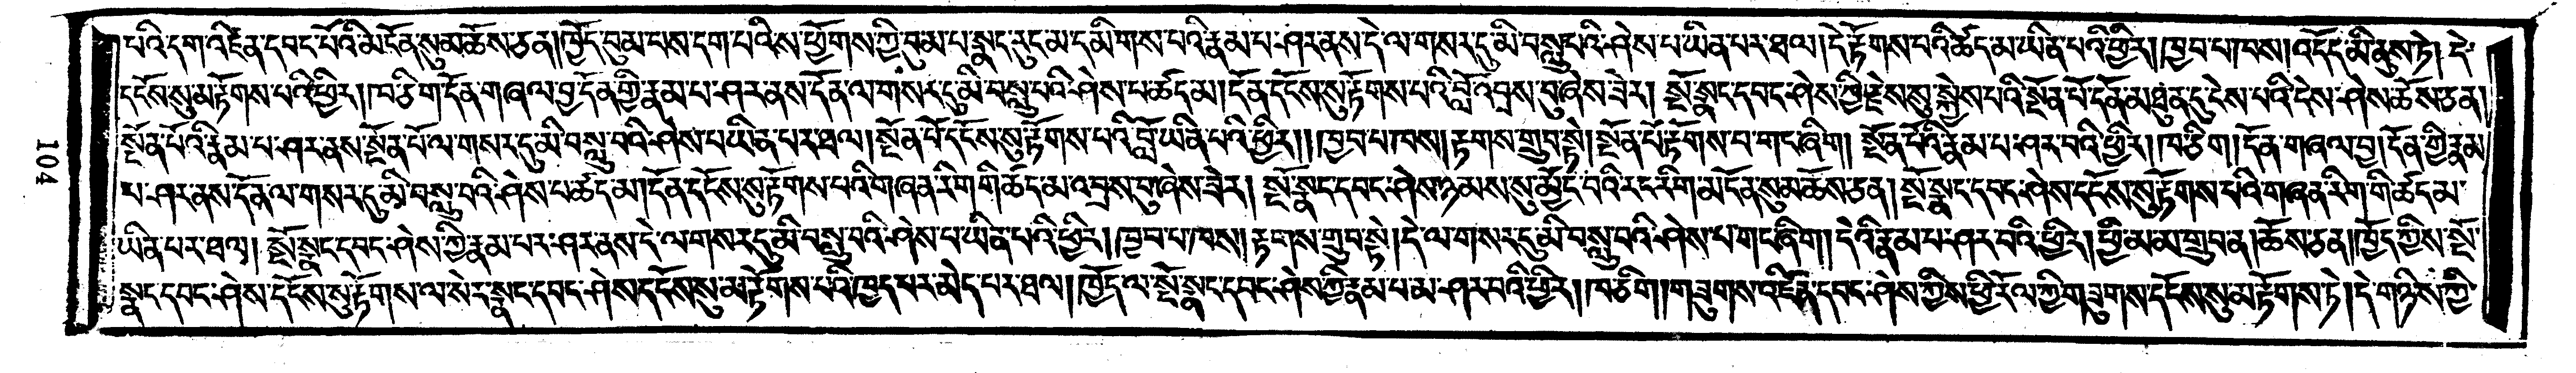པའི་དག་འཛིན་དབང་པོའི་མངོན་སུམ་ཆོས་ཅན། ཁྱོད་བུམ་པས་དག་པའི་ས་ཕྱོགས་ཀྱི་བུམ་པ་སྣང་རུང་མ་དམིགས་པའི་རྣམ་པ་ཤར་ནས་དེ་ལ་གསར་དུ་མི་བསླུ་བའི་ཤེས་པ་ཡིན་པར་ཐལ། དེ་རྟོགས་པའི་ཚད་མ་ཡིན་པའི་ཕྱིར། ཁྱབ་པ་ཁས། འདོད་མི་ནུས་ཏེ། དེ་
དངོས་སུ་མ་རྟོགས་པའི་ཕྱིར། ཁ་ཅིག་དོན་གཞལ་བྱ་དོན་གྱི་རྣམ་པ་ཤར་ནས་དོན་ལ་གསར་དུ་མི་བསླུ་བའི་ཤེས་པ་ཚད་མ། དོན་དངོས་སུ་རྟོགས་པའི་བློ་འབྲས་བུ་ཞེས་ཟེར། སྔོ་སྣང་དབང་ཤེས་ཀྱི་རྗེས་སུ་སྐྱེས་པའི་སྔོན་པོ་དོན་མཐུན་དུ་ངེས་པའི་ངེས་ཤེས་ཆོས་ཅན།
སྔོན་པོའི་རྣམ་པ་ཤར་ནས་སྔོན་པོ་ལ་གསར་དུ་མི་བསླུ་བའི་ཤེས་པ་ཡིན་པར་ཐལ། སྔོན་པོ་དངོས་སུ་རྟོགས་པའི་བློ་ཡིན་པའི་ཕྱིར། །ཁྱབ་པ་ཁས། རྟགས་གྲུབ་སྟེ། སྔོན་པོ་རྟོགས་པ་གང་ཞིག །སྔོན་པོའི་རྣམ་པ་ཤར་བའི་ཕྱིར། ཁ་ཅིག །དོན་གཞལ་བྱ། དོན་གྱི་རྣམ་
པ་ཤར་ནས་དོན་ལ་གསར་དུ་མི་བསླུ་བའི་ཤེས་པ་ཚད་མ། དོན་དངོས་སུ་རྟོགས་པའི་གཞན་རིག་གི་ཚད་མ་འབྲས་བུ་ཞེས་ཟེར། སྔོ་སྣང་དབང་ཤེས་ཉམས་སུ་མྱོང་བའི་རང་རིག་མངོན་སུམ་ཆོས་ཅན། སྔོ་སྣང་དབང་ཤེས་དངོས་སུ་རྟོགས་པའི་གཞན་རིག་གི་ཚད་མ་
ཡིན་པར་ཐལ། སྔོ་སྣང་དབང་ཤེས་ཀྱི་རྣམ་པར་ཤར་ནས་དེ་ལ་གསར་དུ་མི་བསླུ་བའི་ཤེས་པ་ཡིན་པའི་ཕྱིར། ཁྱབ་པ་ཁས། རྟགས་གྲུབ་སྟེ། དེ་ལ་གསར་དུ་མི་བསླུ་བའི་ཤེས་པ་གང་ཞིག །དེའི་རྣམ་པ་ཤར་བའི་ཕྱིར། ཕྱི་མ་མ་གྲུབ་ན། ཆོས་ཅན། ཁྱོད་ཀྱིས་སྔོ་
སྣང་དབང་ཤེས་དངོས་སུ་རྟོགས་ལ་སེར་སྣང་དབང་ཤེས་དངོས་སུ་མ་རྟོགས་པའི་ཁྱད་པར་མེད་པར་ཐལ། ཁྱོད་ལ་སྔོ་སྣང་དབང་ཤེས་ཀྱི་རྣམ་པ་མ་ཤར་བའི་ཕྱིར། ཁ་ཅིག །གཟུགས་འཛིན་དབང་ཤེས་ཀྱིས་ཕྱི་རོལ་ཀྱི་གཟུགས་དངོས་སུ་མ་རྟོགས་ཏེ། དེ་གཉིས་ཀྱི་